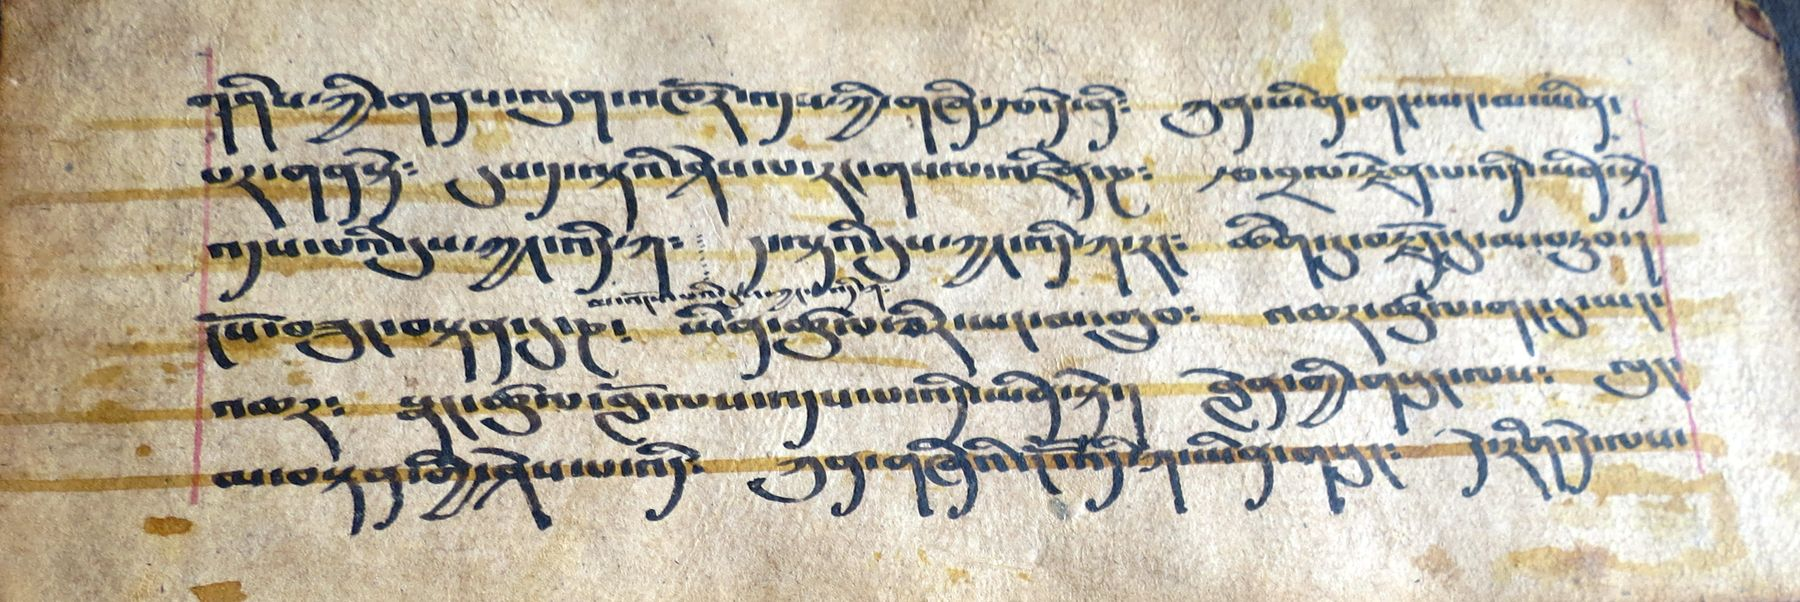གཤིས་ཀྱི་གནས་ལུགས་འཁོར་འདས་ཀུན་གྱི་གཞི་རྩ་དེ་ནི། ཀུན་ཡིན་གང་ཡང་མ་ཡིན་
པར་གནས་ཏེ། དུས་ད་ལྟའི་ཤེས་པ་རང་གསལ་འཛིན་མེད་རྩ་བྲལ་རྗེན་པ་འདི་ཡིན་ཏེ། 
འདས་པའི་དུས་ན་འདི་ཀ། མ་འོངས་པའི་དུས་ཀྱང་འདི་ཀ། ད་ལྟའི་དུས་ཀྱང་འདི་ཀ་རང་། ཚིག་ཏུ་བརྗོད་དུ་མ་བཏུབ། 
ངོས་བཟུང་སྟེ་བསྟན་དུ་མེད། ཡིན་ཚུལ་ཅིར་ཡང་མ་གྲུབ། འཆར་ཚུལ་གང་དུ་ཡང་
འཆར། སྣང་ཚུལ་བློ་ལས་འདས་པ་འདི་ཡིན་ཏེ། བླ་ཆེན་གྱི་གསུང་ལས། ལུང་
མ་བསྟན་གྱི་ཤེས་པ་འདི། ཀུན་གཞིའི་ངོ་བོ་འདི་ཀ་ཡིན་གསུངས། དེ་རིག་དེ་ལས་